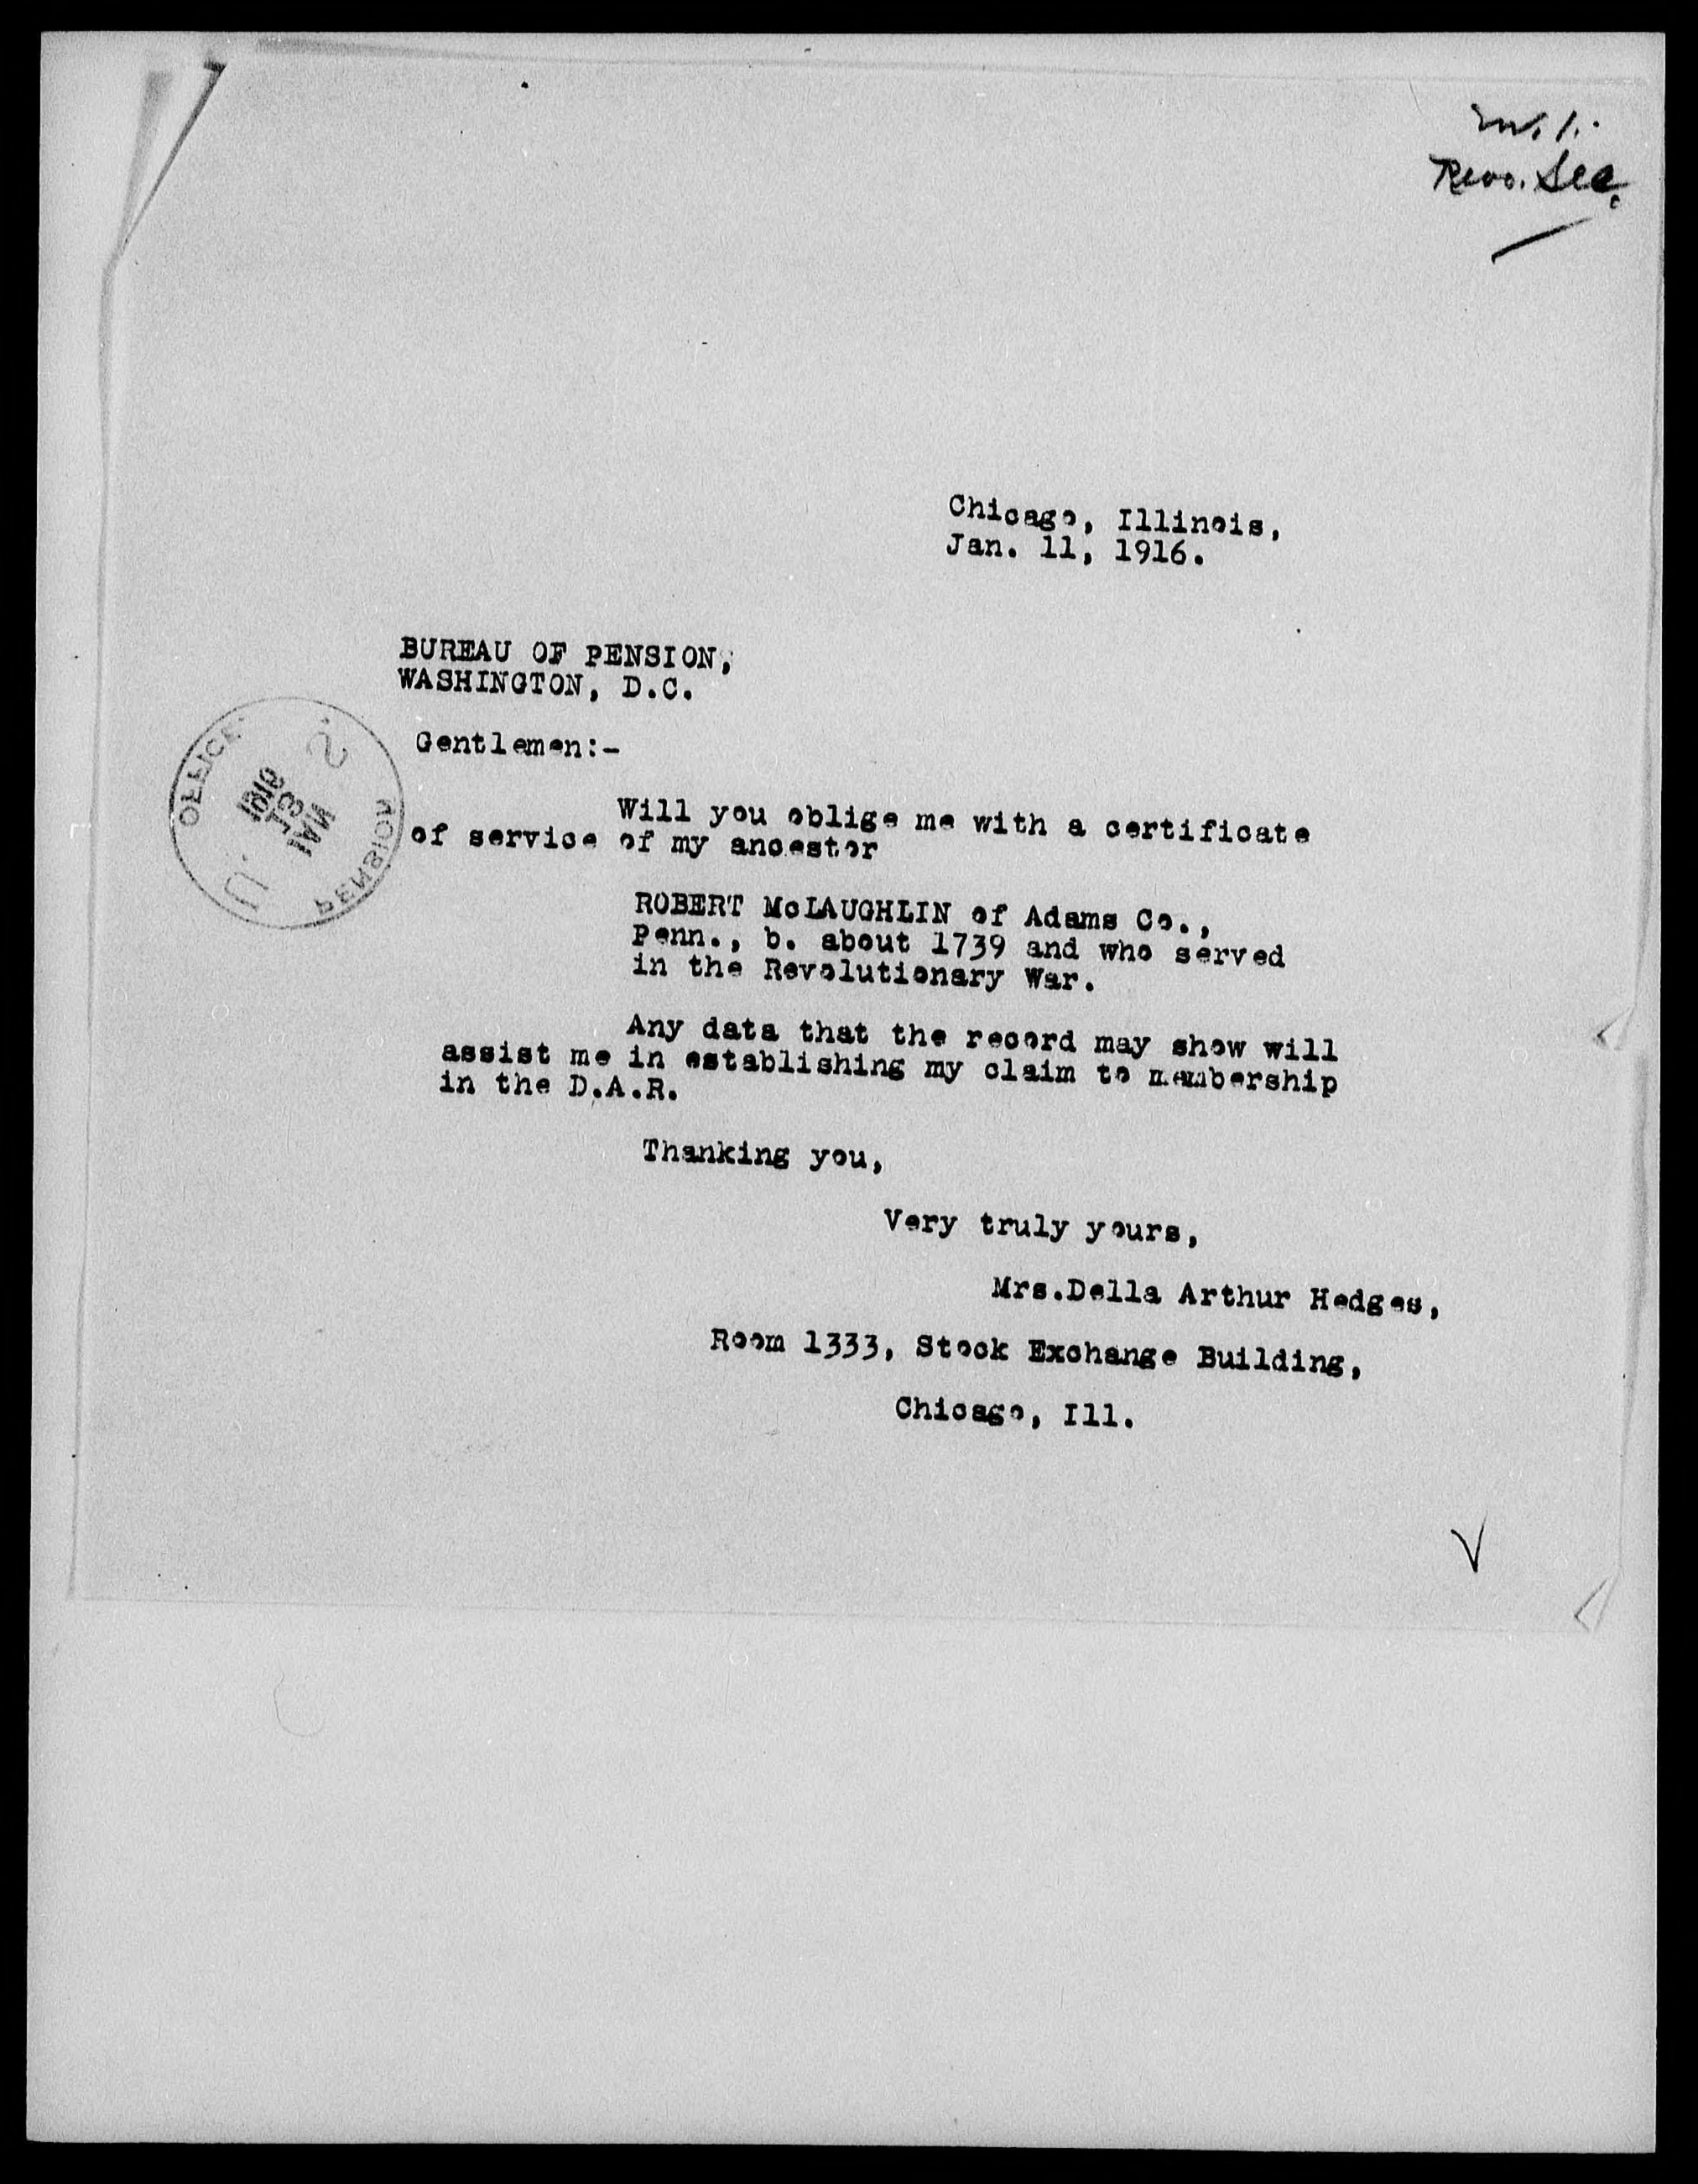Chicago, Illinois
Jan 11, 1916

BUREAU OF PENSION
WASHINGTON DC

Gentlement:

Will you oblige me with a certificate of service of my ancestor:

ROBERT MCLAUGHLIN of Adams Co, Penn
b. about 1739 and who served in the Revolutionary War

Any data that the record may show will assist me in establishing my claim to membership in the DAR.

Thanking you,

Very truly yours,
Mrs Della Arthur Hedges
Room 1333, Stock Exchange Building
Chicago, Ill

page: 18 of 19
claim: survivor's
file: S. 40,146, for Robert Mc Laughlin, Pennsylvania